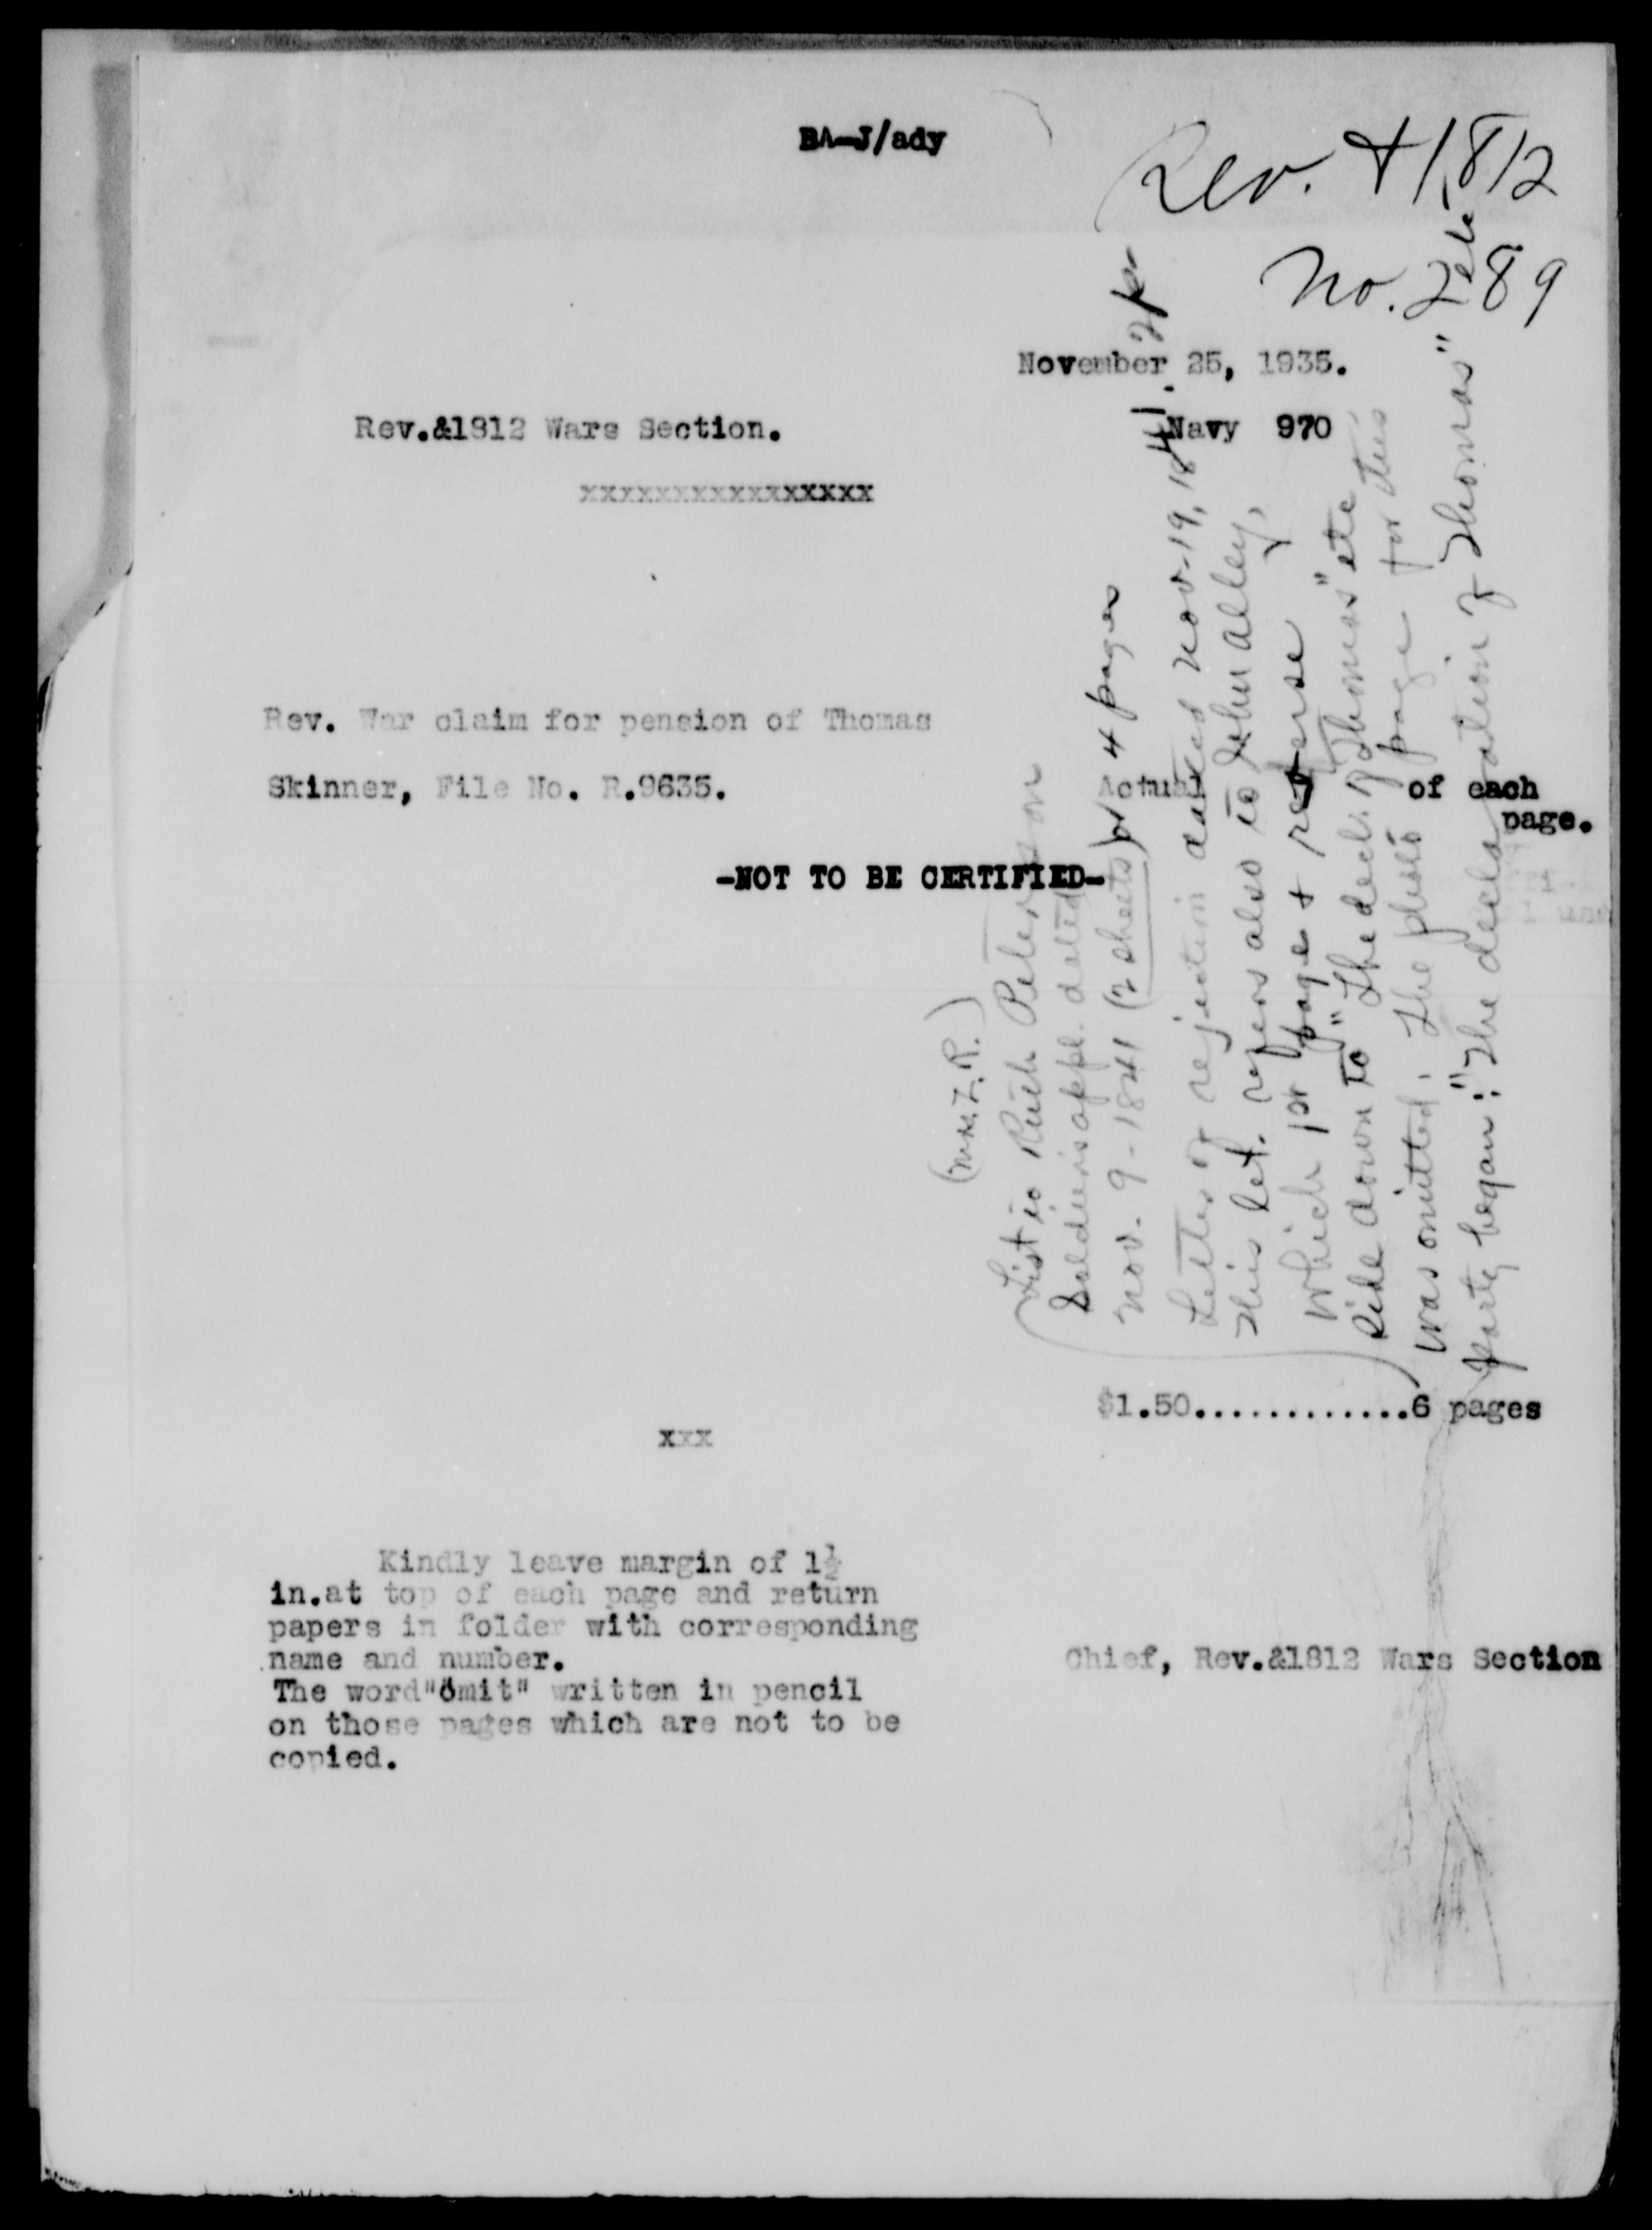BA-J/ady

Rev & 1812
No. 289

November 25,1935
Navy 970

Rev.&1812 Wars Section.
XXXXXXXXXXX

Rev. War claim for pension of Thomas
Skinner, File No. R.9635.

Actual [#] of each page.

NOT TO BE CERTIFIED
 
Xxx $1.50 ….. 6 pages

Kindly leave margin of 1 1/2
in. at top of each page and return
papers in folder with corresponding
name and number.
The word ""Omit"" written in pencil
on those pages which are not to be
copied.

Chief, Rev.&1812 Wars Section

[above text is typed. Following text is handwritten vertically on right side of page.]
List is (Mrs. L. R) Ruth Peterson
Soldier’s appl. dated
Nov. 9 - 1841 (2 sheets) of 4 pages
Letters of rejection dated Nov. 19, 1841  2 p.
This let. report also to John Alley,
Which 1st page + reverse
Ride down to “The dec’l. of Thomas” etc.
Was omitted. The photo pages for this
Party began  “The declaration of Thomas”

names: Thomas [BLANK]; John Alley; Ruth Peterson; Thomas [BLANK]; Thomas Skinner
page: 24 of 33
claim: rejected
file: R. 9635, for Thomas Skinner, Delaware